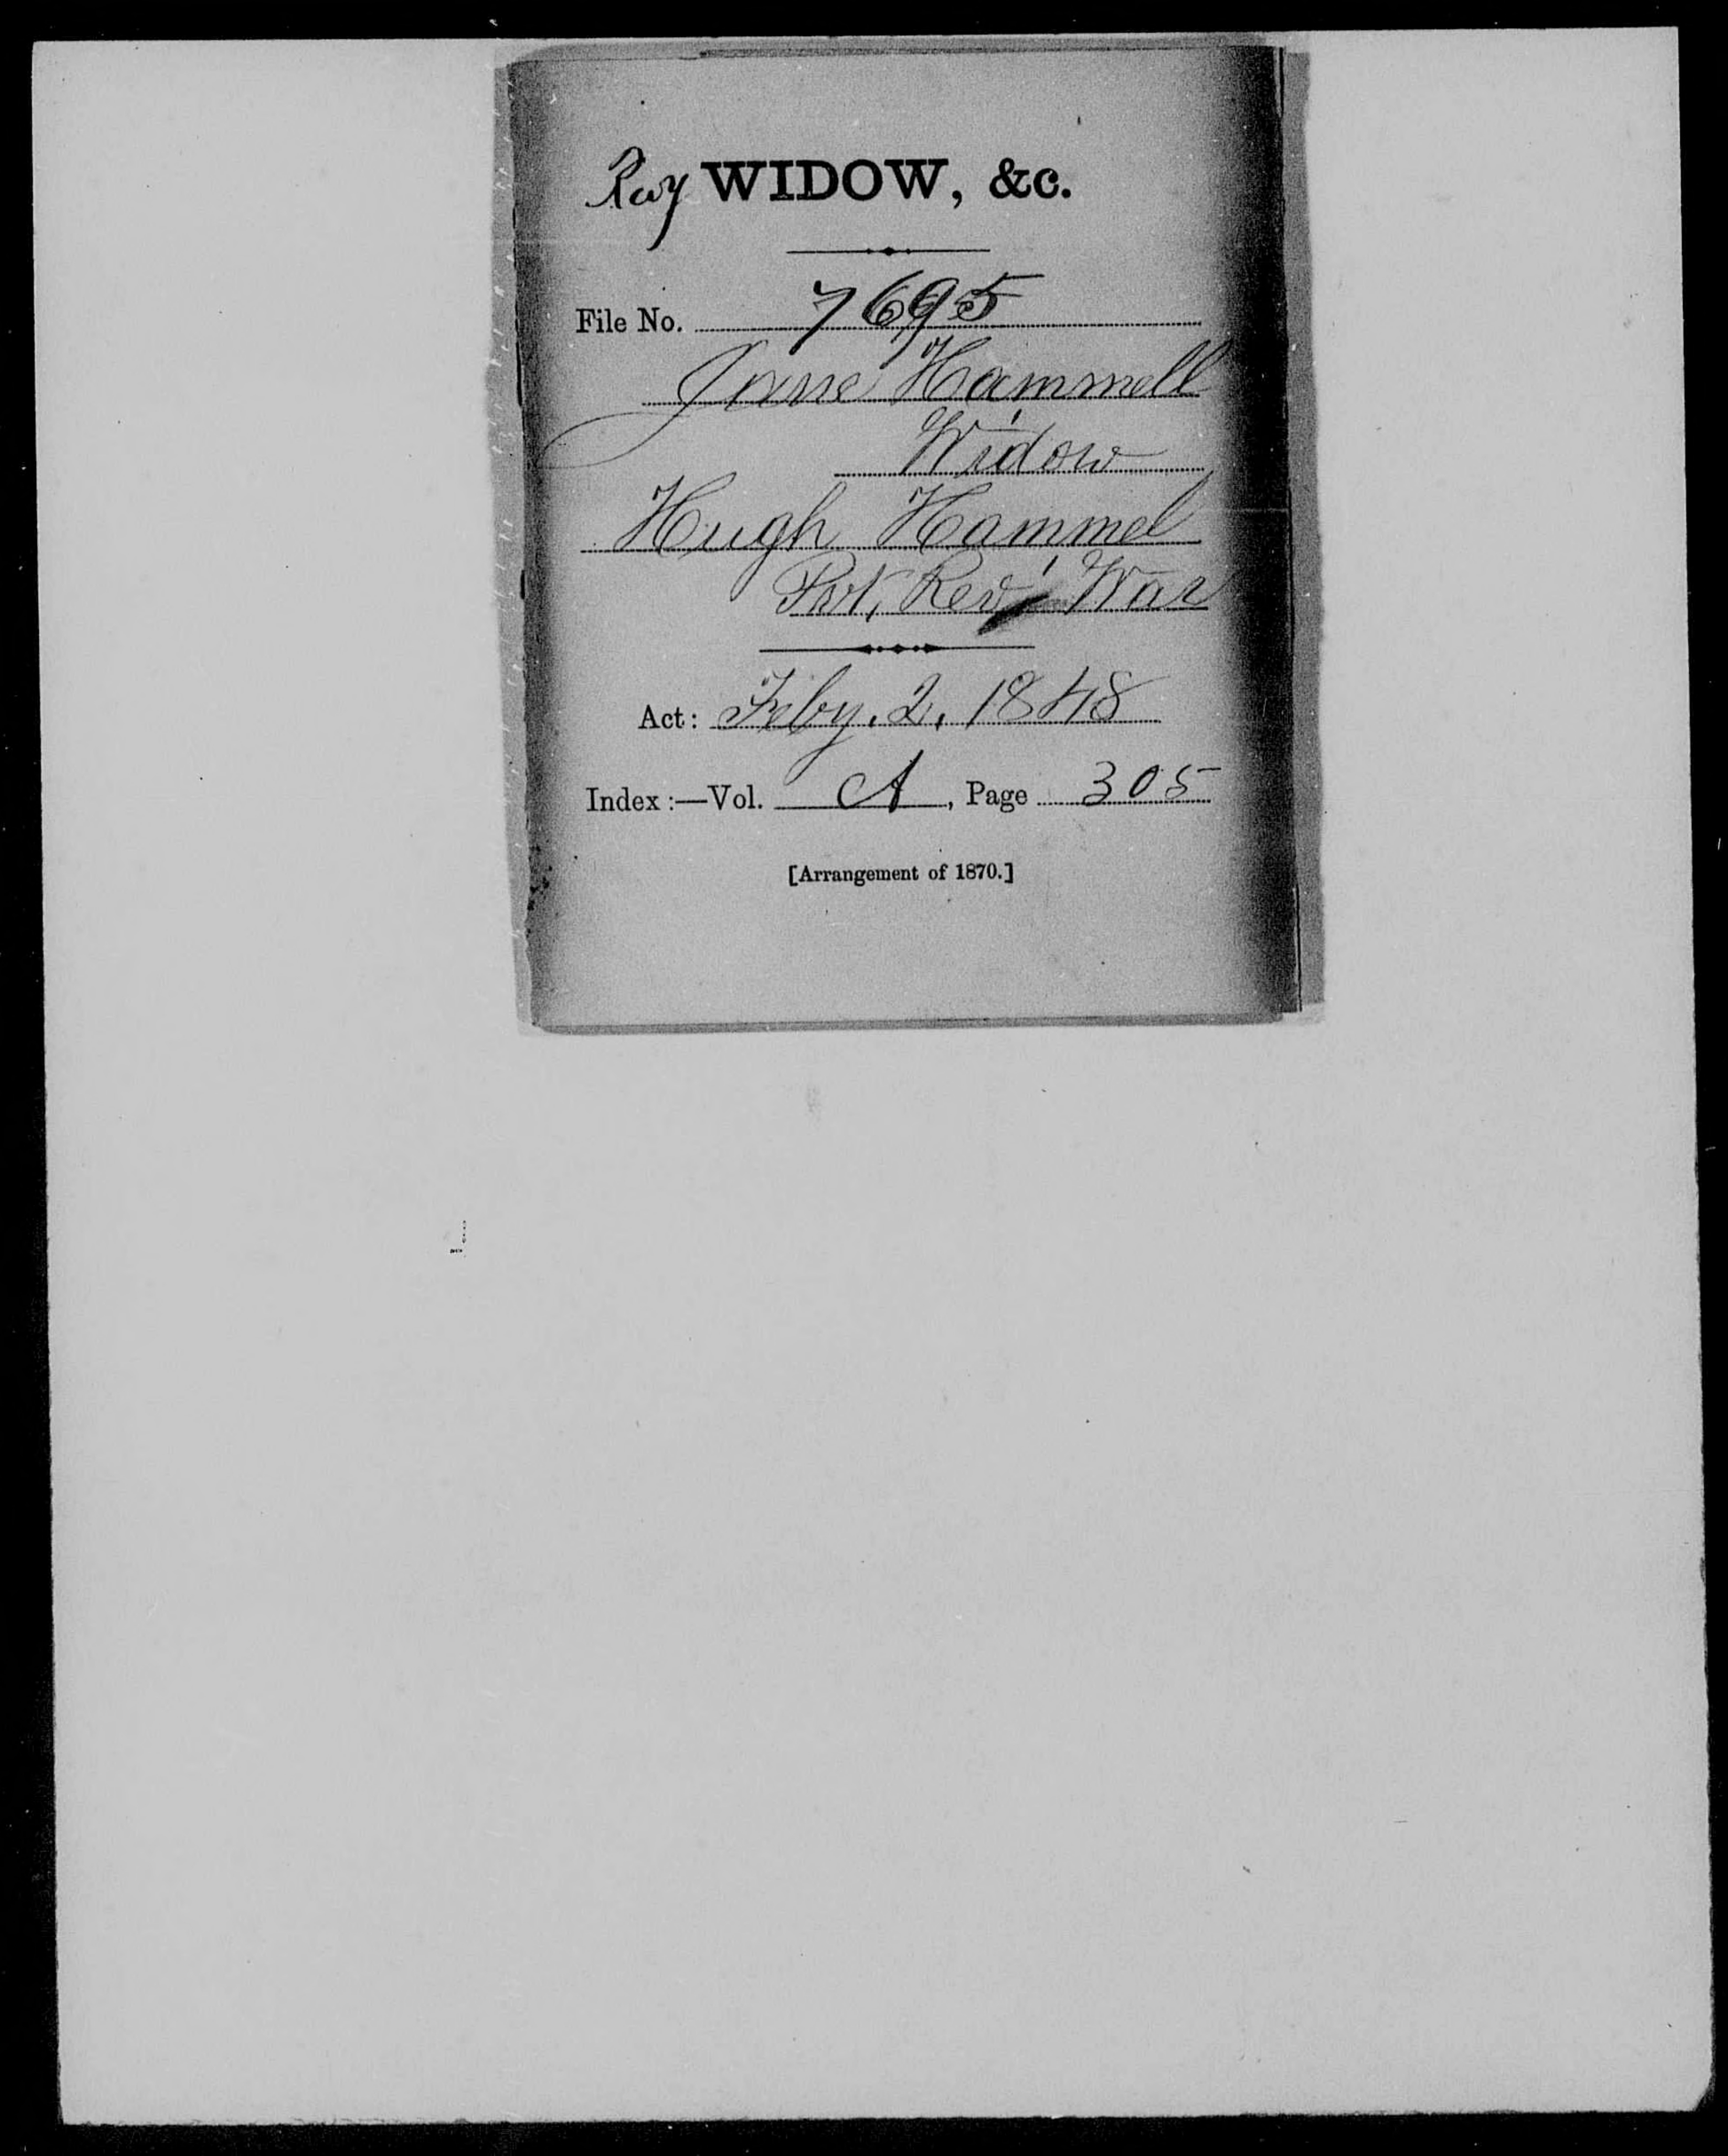[ineligible] WIDOW, &c.
File No. 7695
Jane Hammell
Widow
Hugh Hammel
[ineligible] Rev War
Act: Feby. 2, 1848
Index: - Vol. A, Page 305
[Arrangement of 1870.]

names: Hugh Hammel, Jane Hammell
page: 56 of 92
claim: widow's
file: W 1173, Robert Hamill, Penn.